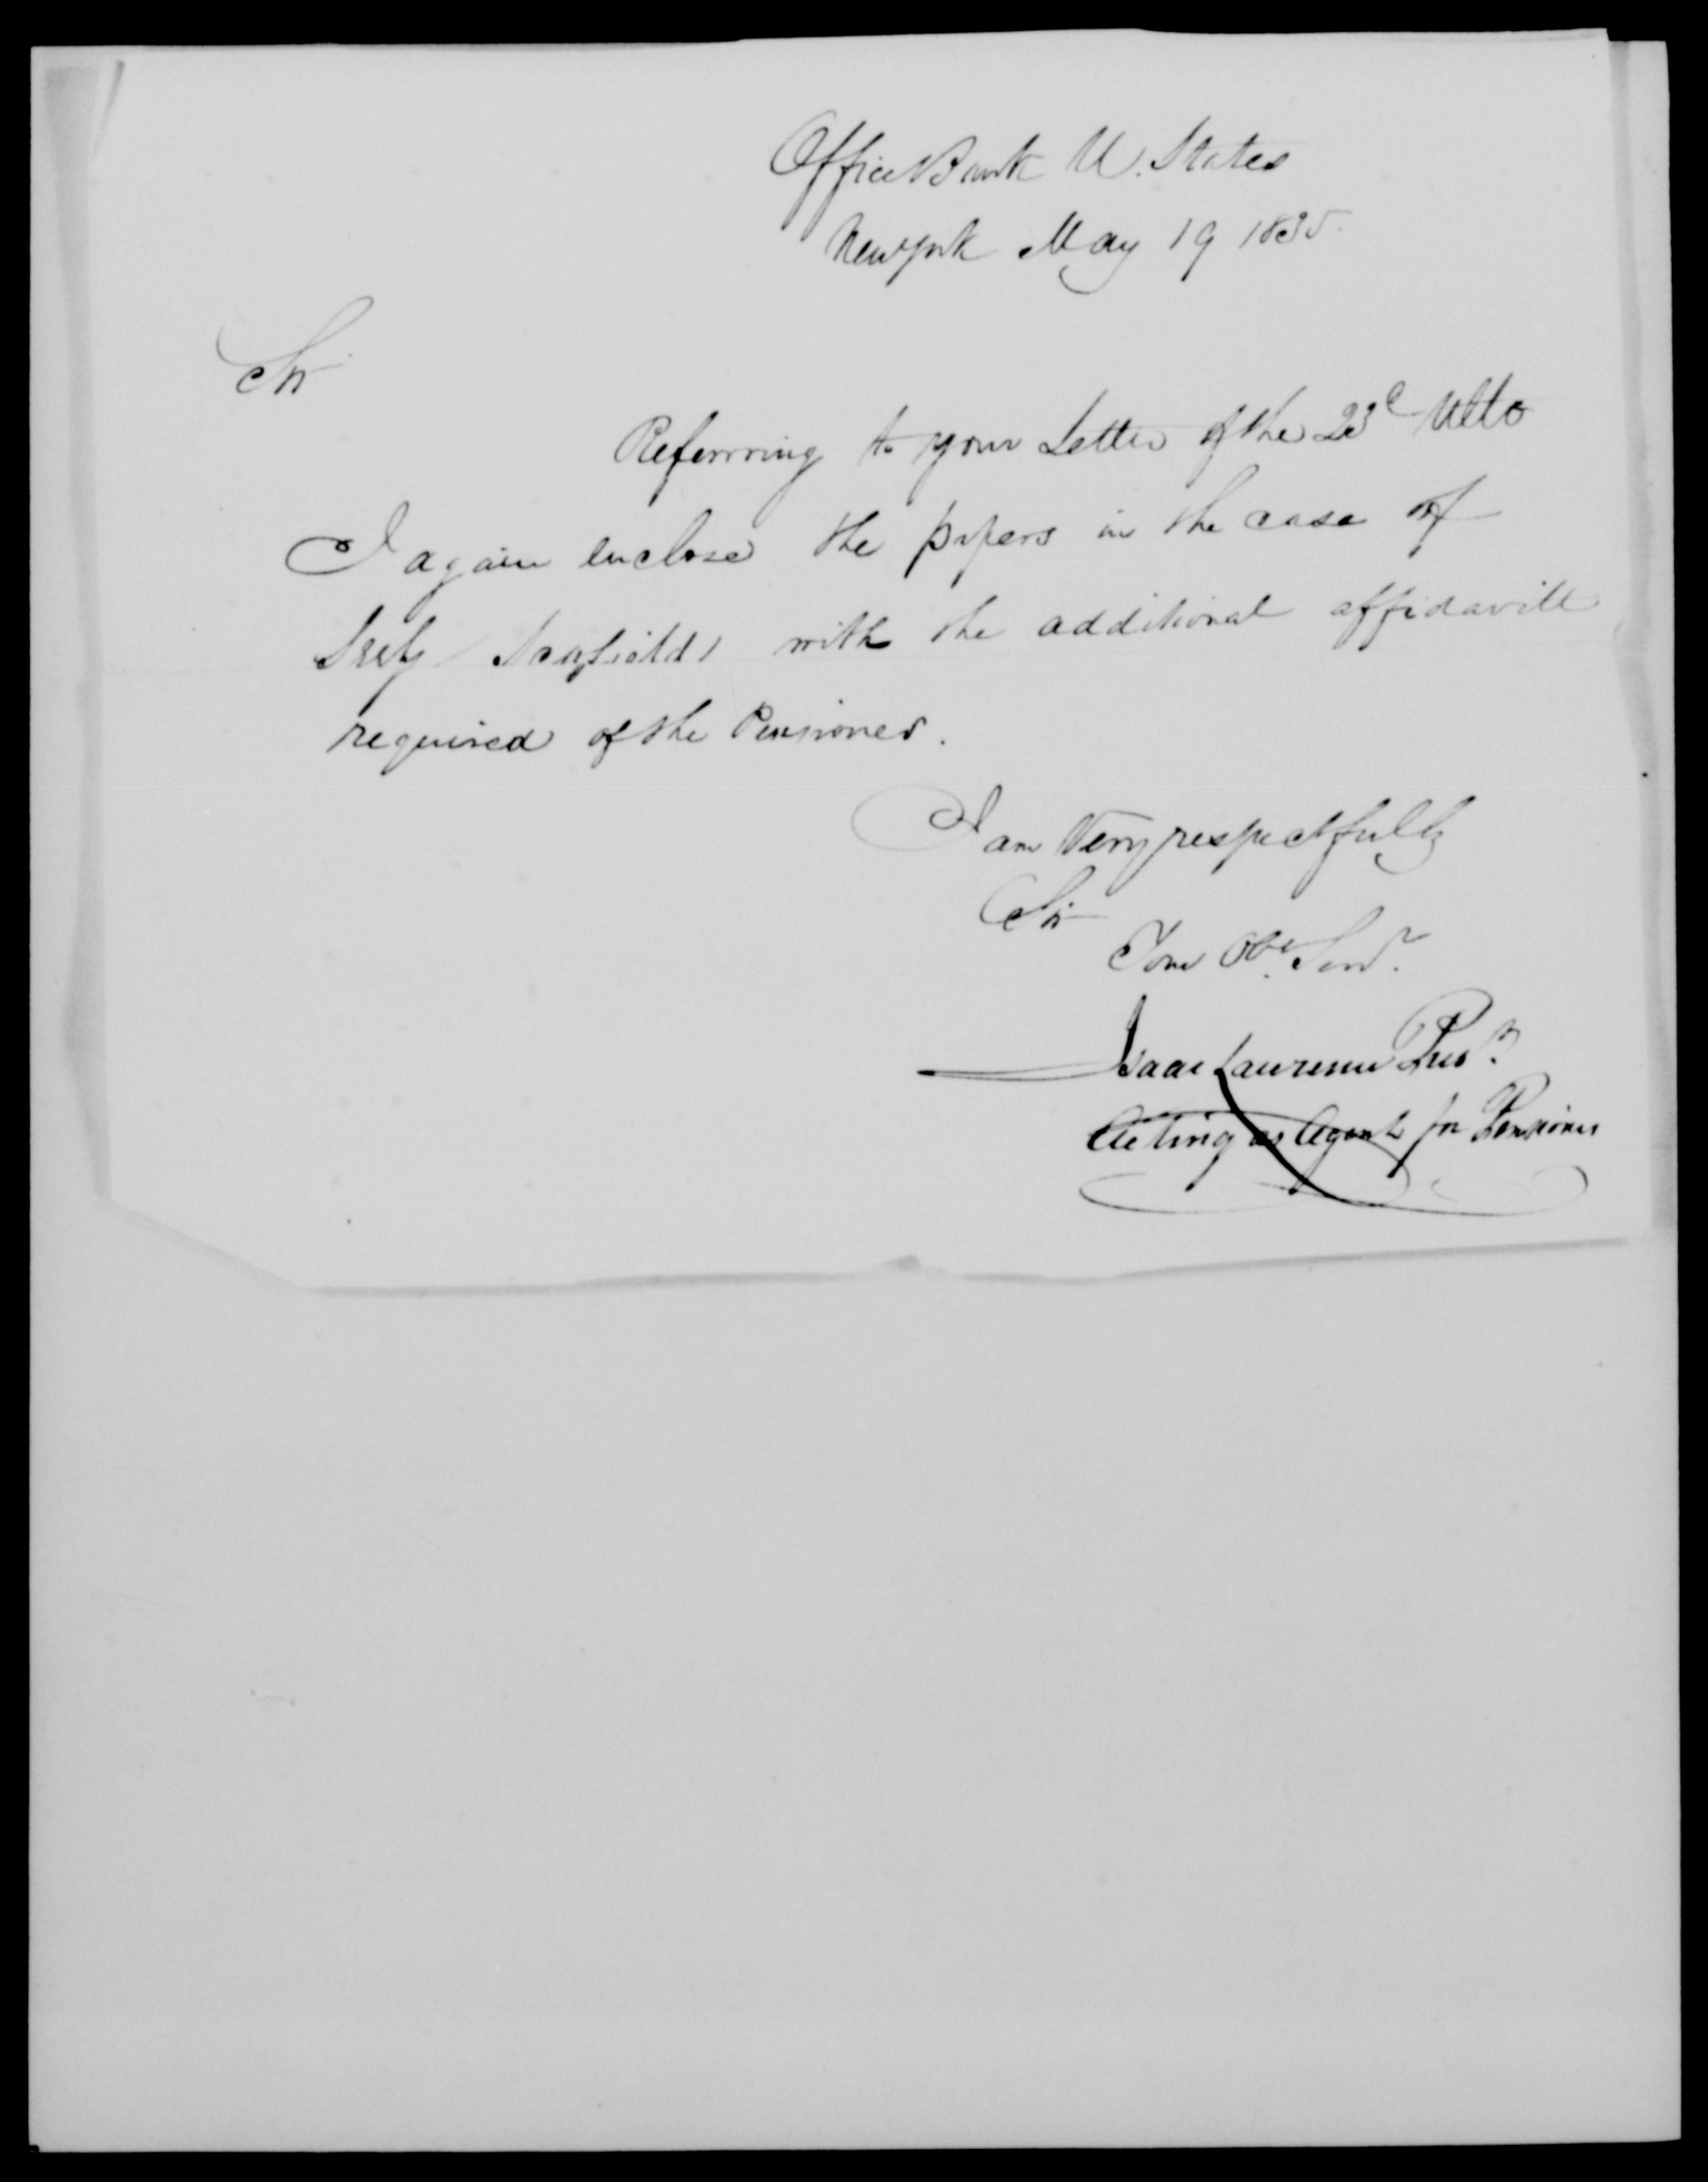Office Bank U. States New York May 19 1835. 
Sir
Referring to your Letter of the 23d Ulto I again enclose the papers in the case of Seely Scofield with the additional affidavit 1 required of the Pensioner  
I am Very respectfully Sir Your Obt Svt
Isaac Lawrence Pres’t 
Acting as Agent for Pensioners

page: 21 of 36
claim: survivor's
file: S. 10,004, for Seely Scofield, Connecticut